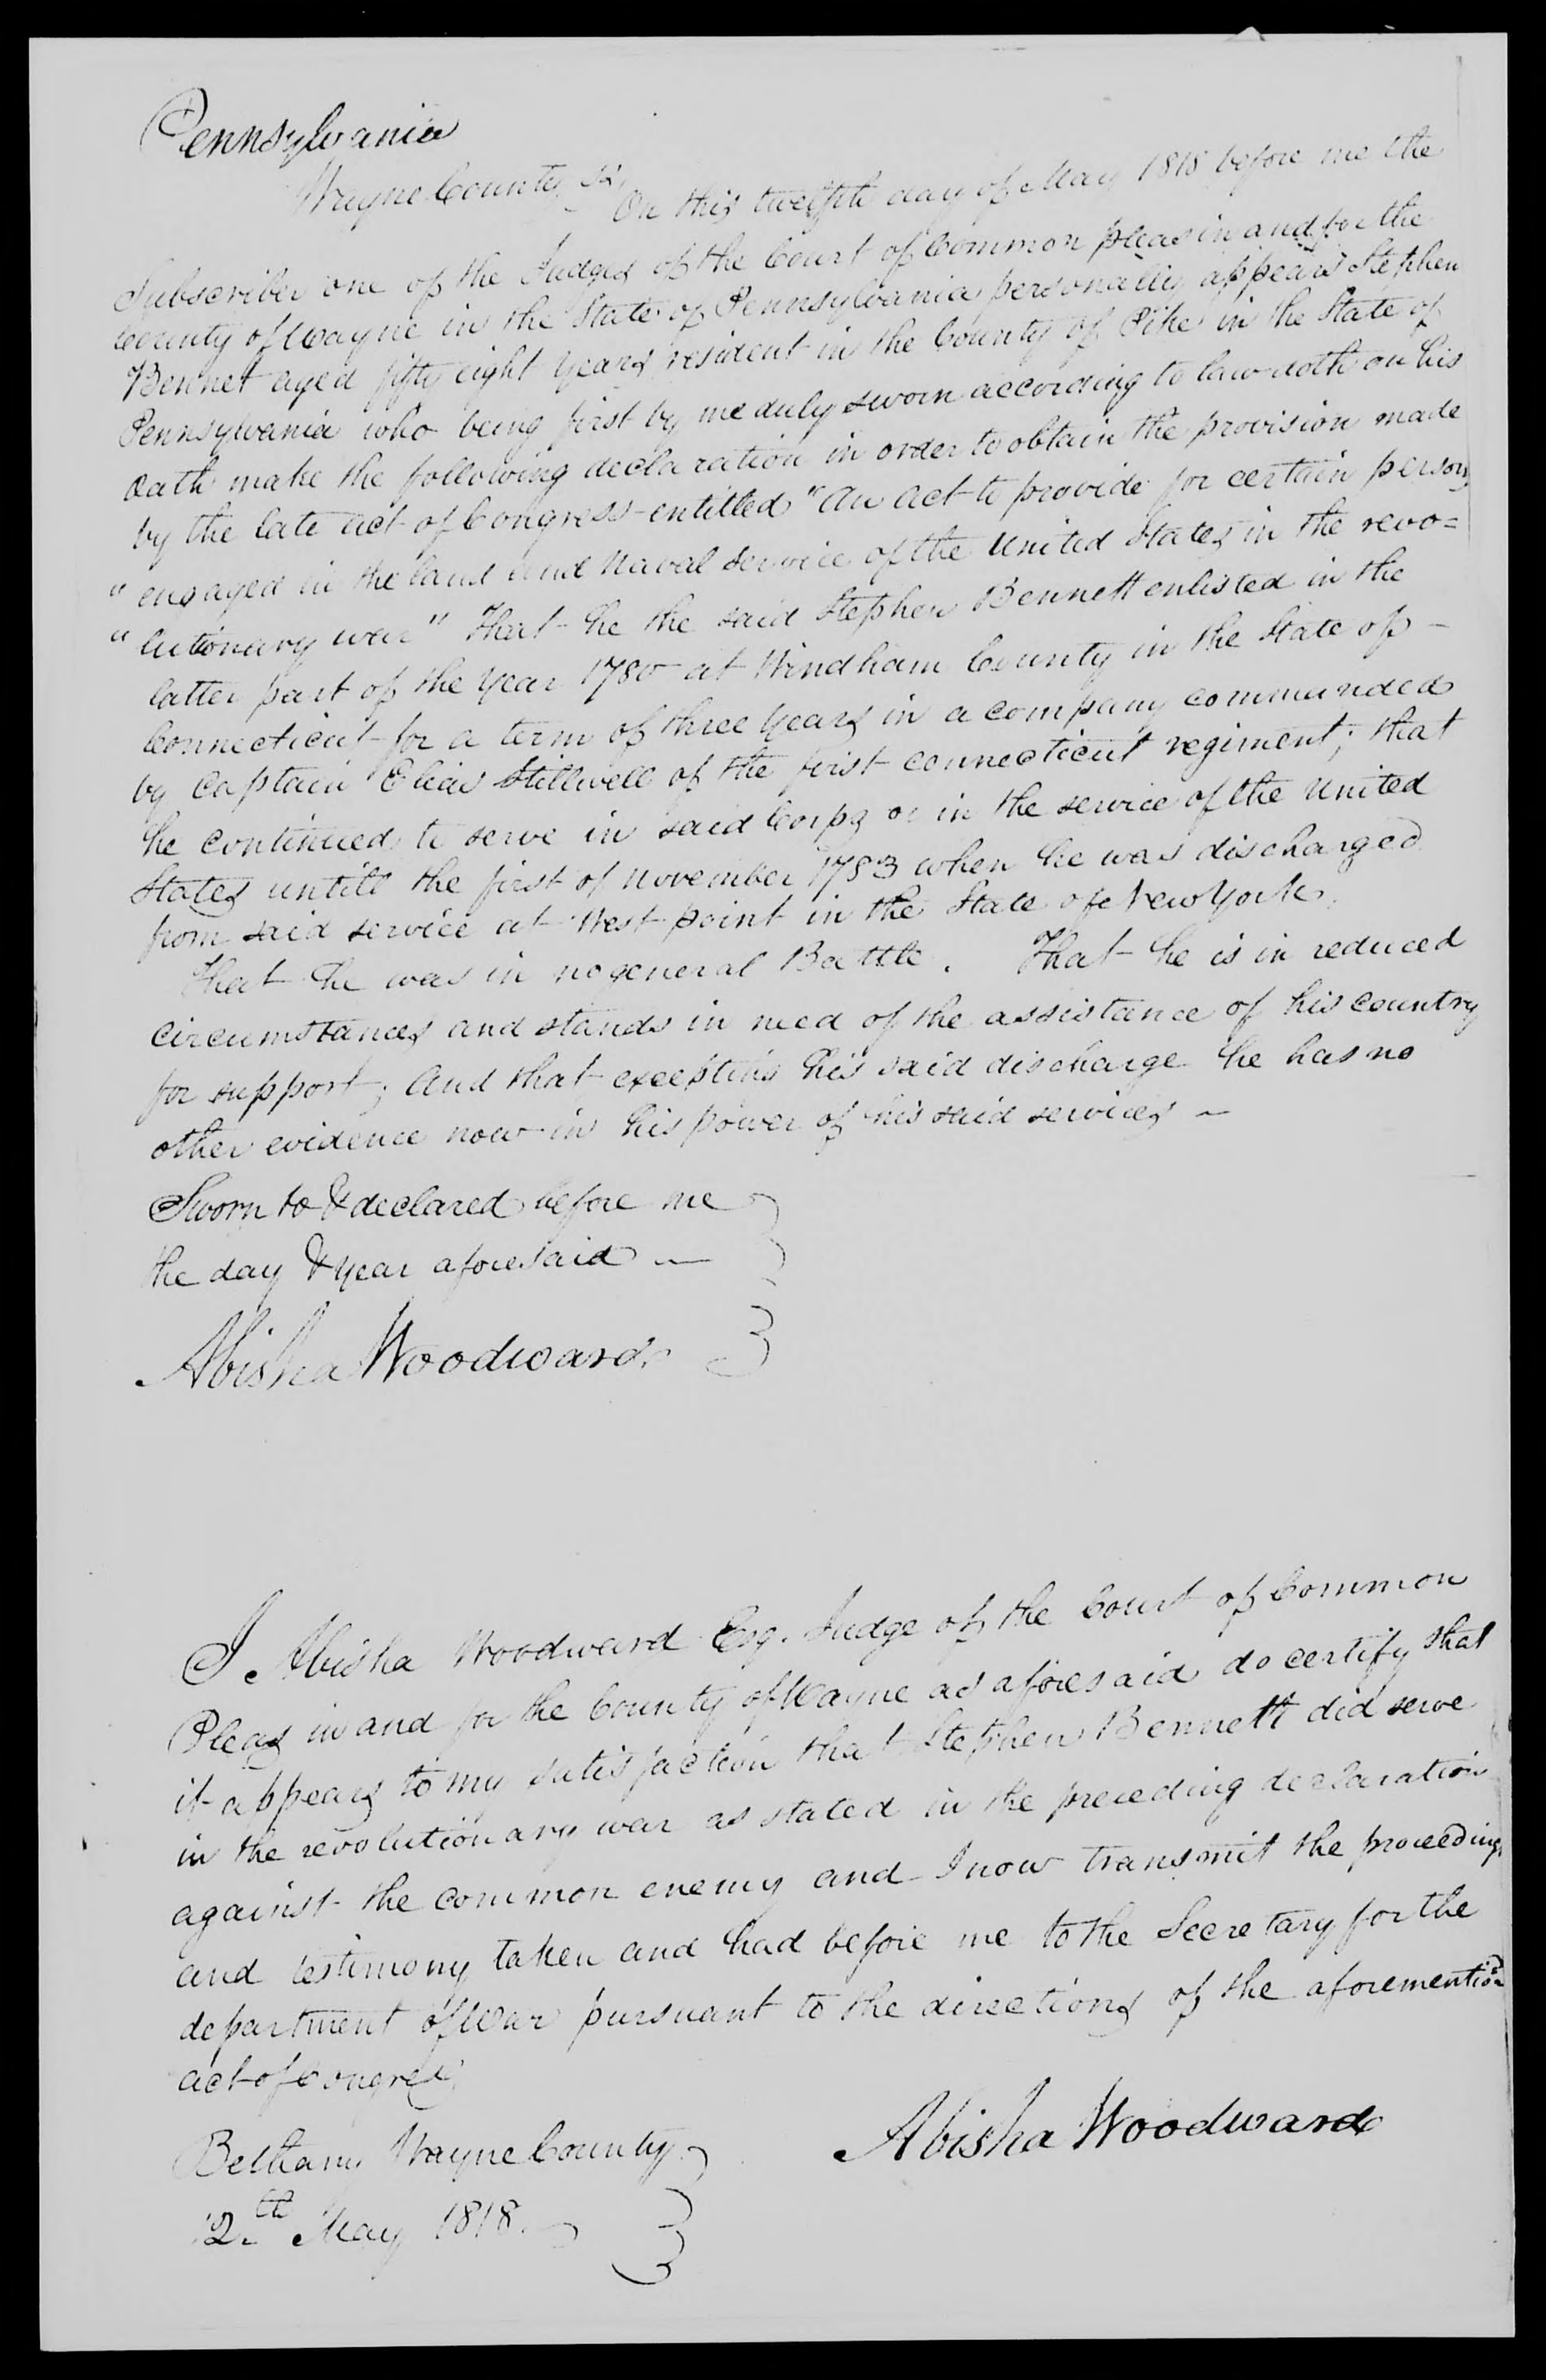Pennsylvania
Wayne County
On this twelfth day of May 1818 before me the
Subscriber one of the Judges of the Court of Common pleas in and for the
County of Wayne in the State of Pennsylvania personally appears Stephen
Bennett aged fifty eight years resident in the County of Pike in the State of
Pennsylvania who being first by me duly sworn according to law doth on his oath make the following declaration in order to obtain the provision made by the late act of Congress entitled "An act to provide for certain persons engaged in the land and Naval service of the United States in the revolutionary war." That he the said Stephen Bennett enlisted in the
latter part of the year 1780 at Windham County in the State of
Connecticut for a term of three years in a company commanded
by Captain Elias Stillwell of the first Connecticut regiment; that
he continued to serve in said Corps or in the service of the United States
untill the first of November 1783 when he was discharged
from said service at West Point in the State of New York.

That he was in no general Battle.  That he is in reduced
circumstances and stands in need of the assistance of his country
for support; and that excepting his said discharge he has no
other evidence now in his power of his said service.

Sworn to & declared before me
the day & year aforesaid
Abisha Woodward

I Abisha Woodward Esq. Judge of the Court of Common
Pleas in and for the County of Wayne as aforesaid do certify that
it appears to my satisfaction that Stephen Bennett did serve
in the revolutionary war as stated in the preceding declaration
against the common enemy and I now transmit the proceeding
and testimony taken and had before me to the Secretary for the
department of War pursuant to the directions of the aforementioned
act of Congress.

Bethany Wayne County
Abisha Woodward
12 May 1818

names: Elias Stillwell, Abisha Woodward, Stephen Bennet, Stephen Bennett, Abisha Woodward, Stephen Bennett, Abisha Woodward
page: 5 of 79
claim: widow's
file: W. 2,906, Stephen Bennet, Conn.